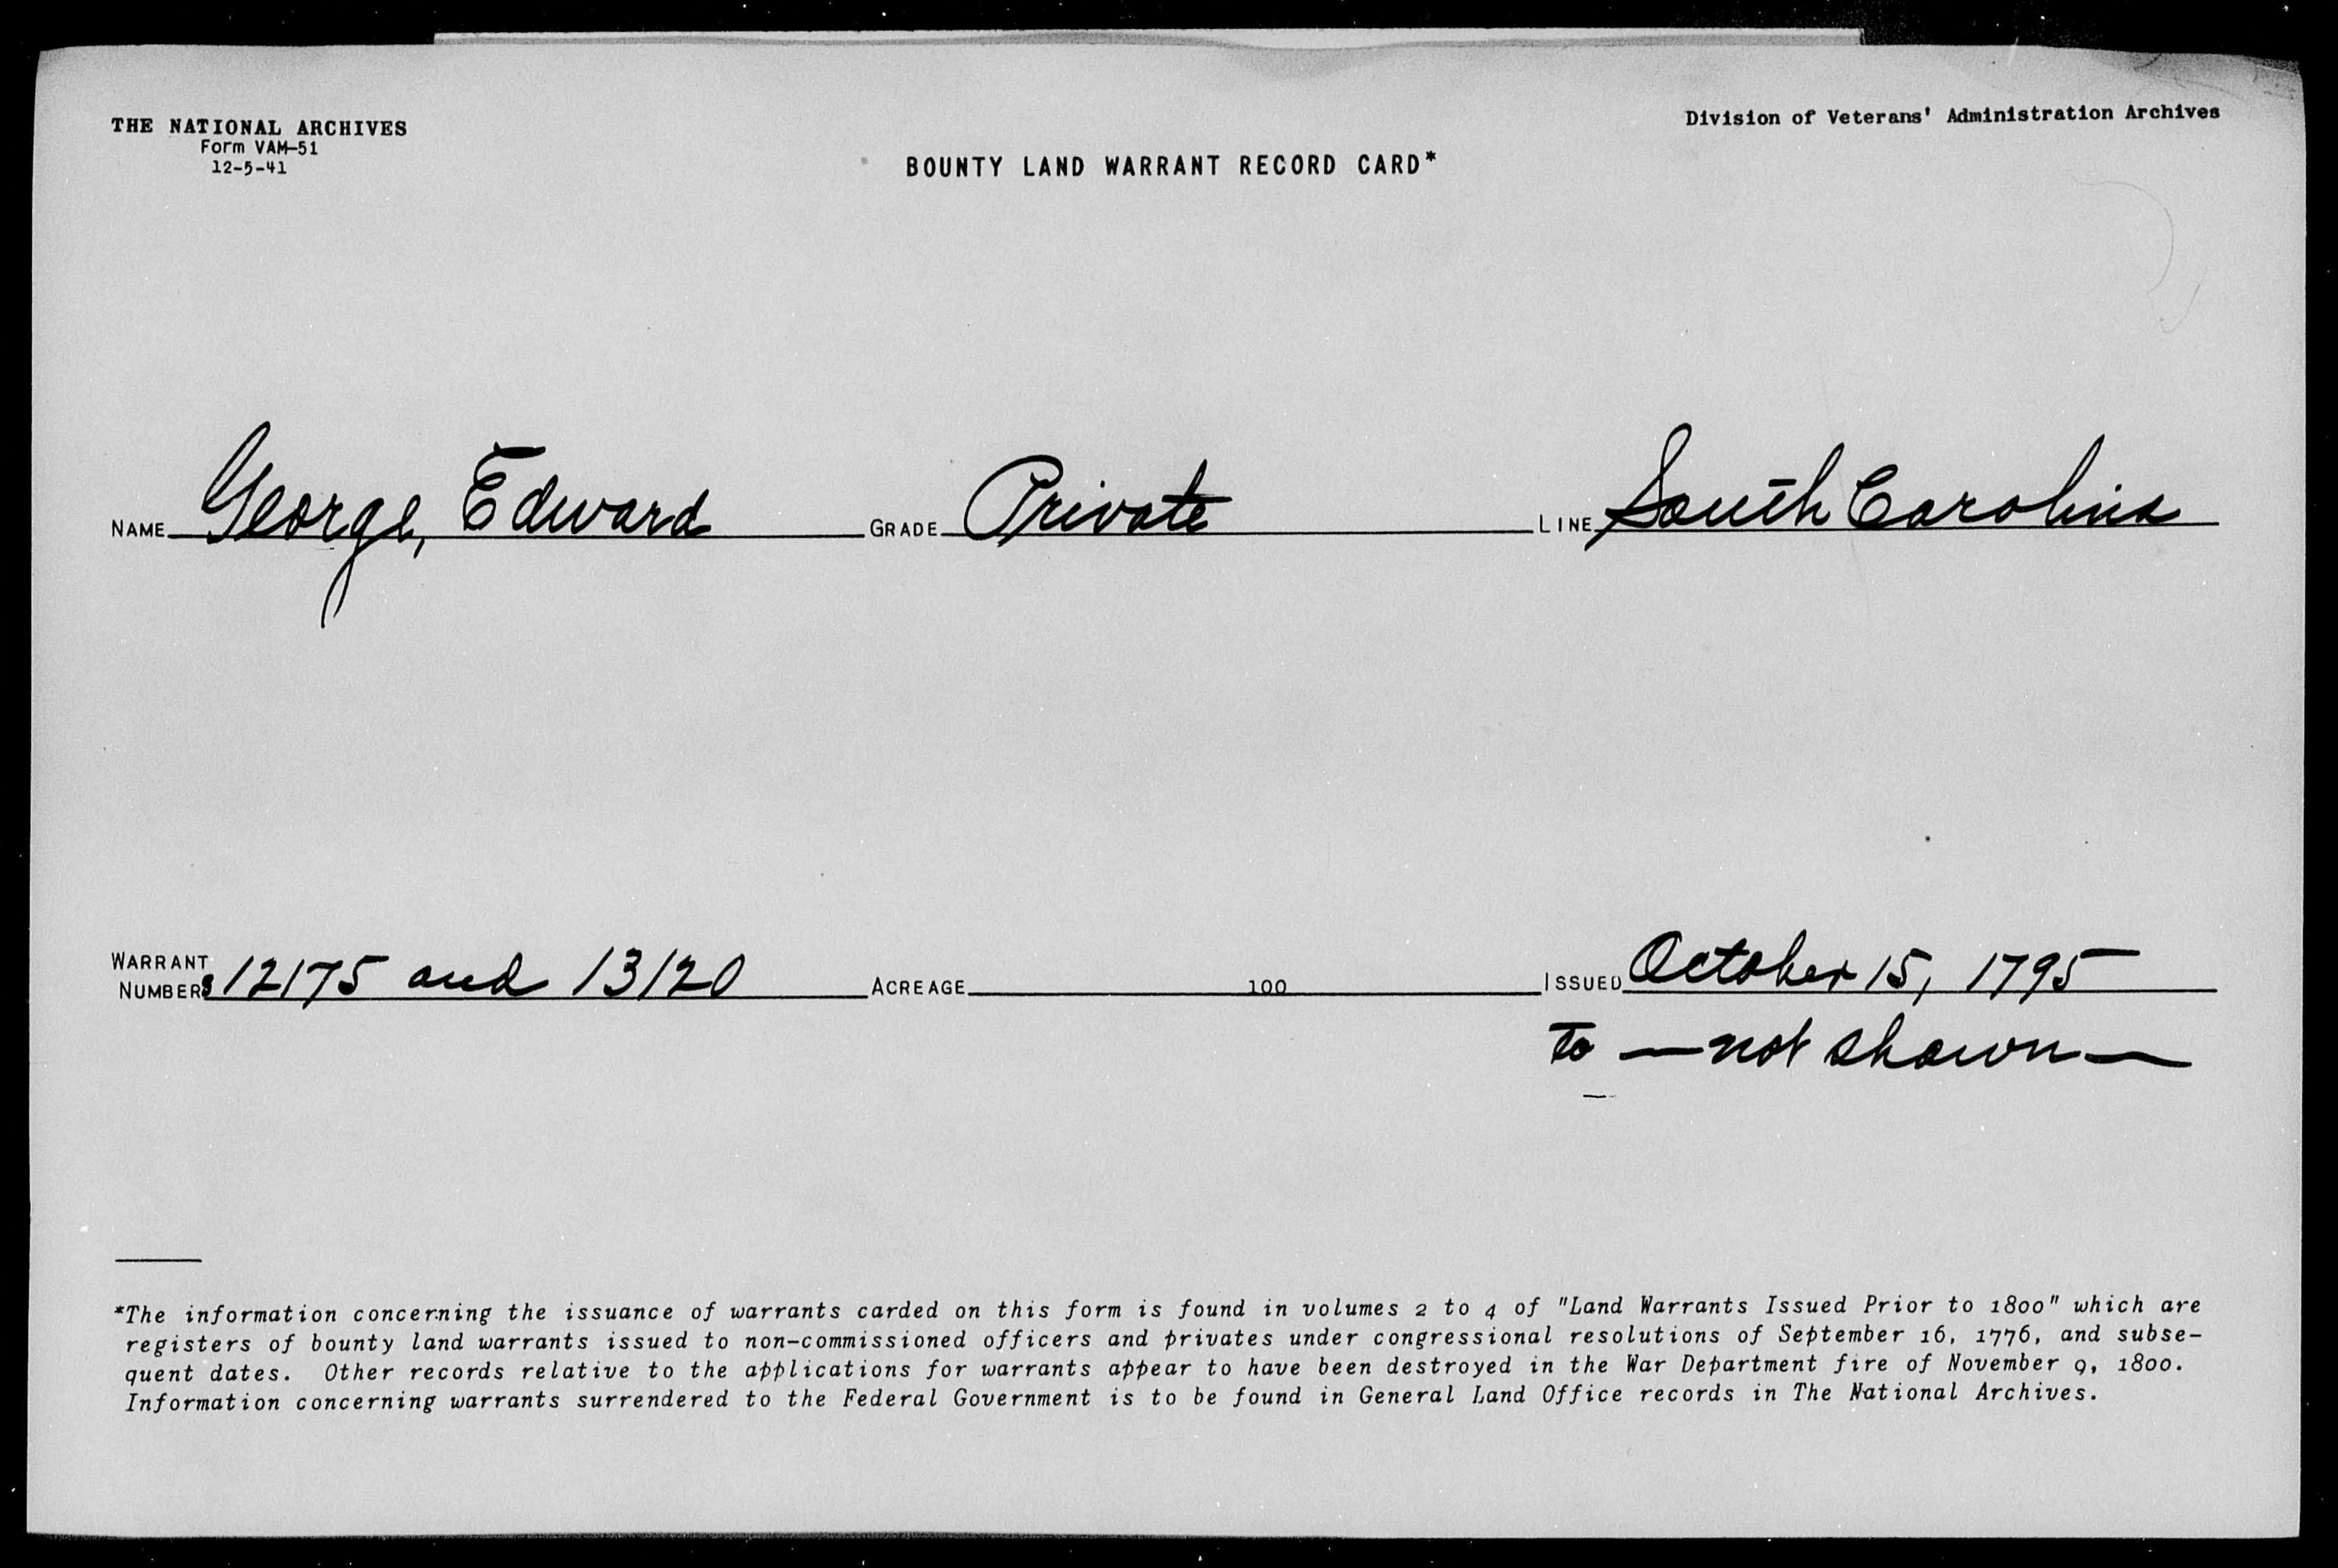THE NATIONAL ARCHIVES
Form VAM-51-
12 - 5 - 41
Division of Veterans; Administration Archives
BOUNTY LAND WARRANT RECORD CARD*

Name George, Edward 
Grade Private
Line South Carolina

WARRANT NUMBERS 12175 and 13120 
ACREAGE 100  Issued 
Division of Veterans' Administration Archiv
South Carolina October 15, 1795
to not shown-


*The information concerning the issuance of warrants carded on this form is found in volumes 2 to 4 of ""Land Warrants Issued Prior to 1800"" which are registers of bounty land warrants issued to non-commissioned officers and privates under congressional resolutions of September 16, 1776, and subsequent
dates. Other records relative to the applications for warrants appear to have been destroyed in the War Department fire of November 9, 1800.
Information concerning warrants surrendered to the Federal Government is to be found in General Land Office records in The National Archives.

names: Edward George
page: 18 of 18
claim: survivor's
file: S. 39568, David George, N.H.